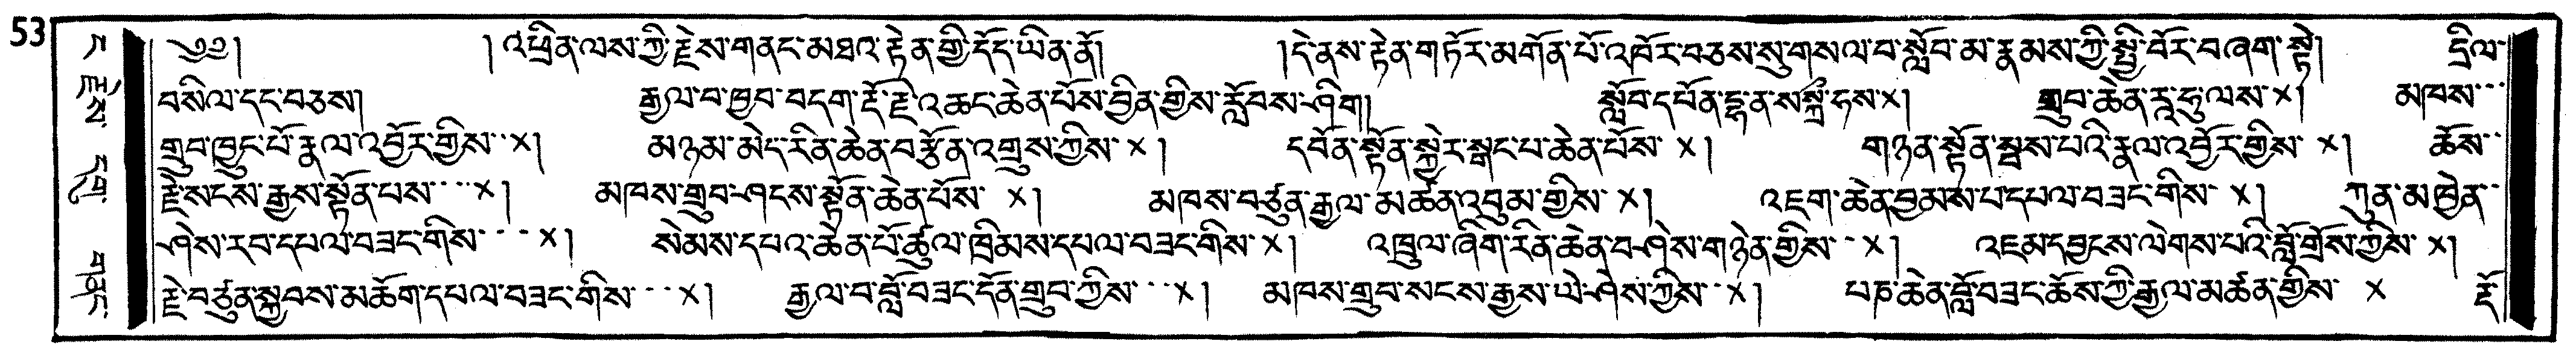༄༅། །འཕྲིན་ལས་ཀྱི་རྗེས་གནང་མཐའ་རྟེན་གྱི་དོད་ཡིན་ནོ། །དེ་ནས་རྟེན་གཏོར་མགོན་པོ་འཁོར་བཅས་སུ་གསལ་བ་སློབ་མ་རྣམས་ཀྱི་སྤྱི་བོར་བཞག་སྟེ། དྲིལ་
བསིལ་དང་བཅས། རྒྱལ་བ་ཁྱབ་བདག་རྡོ་རྗེ་འཆང་ཆེན་པོས་བྱིན་གྱིས་རློབས་ཤིག། སློབ་དཔོན་དྷ་ན་སྀསྐྲ་ཧ་ས་+། གྲུབ་ཆེན་རཱ་ཧུ་ལས་+། མཁས་
གྲུབ་ཁྱུང་པོ་རྣལ་འབྱོར་གྱིས་+། མཉམ་མེད་རིན་ཆེན་བརྩོན་འགྲུས་ཀྱིས་+། དབོན་སྟོན་སྐྱེར་སྒང་པ་ཆེན་པོས་+། གཉན་སྟོན་སྦས་པའི་རྣལ་འབྱོར་གྱིས་+། ཆོས་
རྗེས་སངས་རྒྱས་སྟོན་པས་+། མཁས་གྲུབ་ཤངས་སྟོན་ཆེན་པོས་+། མཁས་བཙུན་རྒྱལ་མཚན་འབུམ་གྱིས་+། འཇག་ཆེན་བྱམས་པ་དཔལ་བཟང་གིས་+། ཀུན་མཁྱེན་
ཤེས་རབ་དཔལ་བཟང་གིས་+། སེམས་དཔའ་ཆེན་པོ་ཚུལ་ཁྲིམས་དཔལ་བཟང་གིས་+། འཁྲུལ་ཞིག་རིན་ཆེན་བཤེས་གཉེན་གྱིས་+། འཇམ་དབྱངས་ལེགས་པའི་བློ་གྲོས་ཀྱིས་+།
རྗེ་བཙུན་སྐྱབས་མཆོག་དཔལ་བཟང་གིས་+། རྒྱལ་བ་བློ་བཟང་དོན་གྲུབ་ཀྱིས། མཁས་གྲུབ་སངས་རྒྱས་ཡེ་ཤེས་ཀྱིས་+། པཎ་ཆེན་བློ་བཟང་ཆོས་ཀྱི་རྒྱལ་མཚན་གྱིས་+་རྡོ་